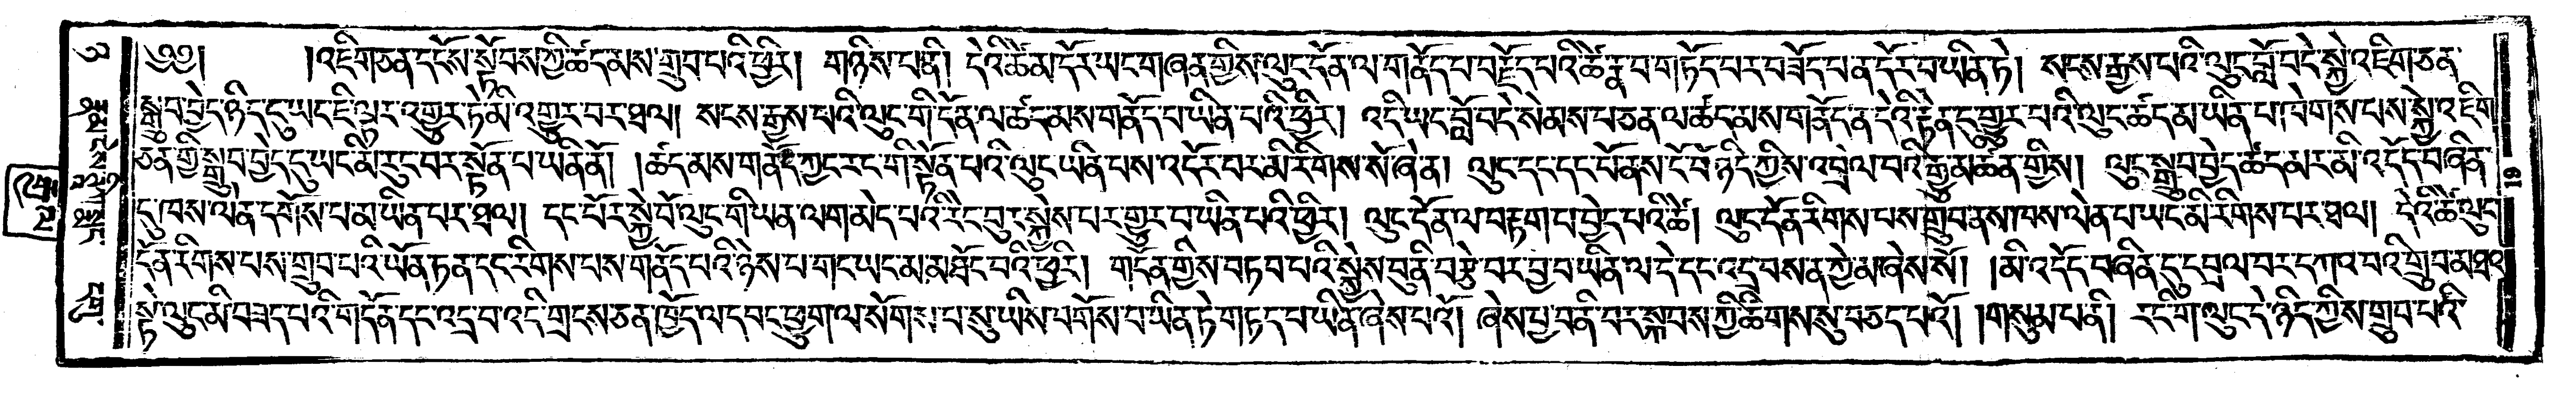༄༅། །འཇིག་ཅན་དངོས་སྟོབས་ཀྱི་ཚད་མས་གྲུབ་པའི་ཕྱིར། གཉིས་པ་ནི། དེའི་ཚེ་མ་དོར་ཡང་གཞན་གྱིས་ལུང་དོན་ལ་གནོད་པ་བརྗོད་པའི་ཚེ་རྣ་བ་གཏོད་པར་བཟོད་པ་ན་དོར་བ་ཡིན་ཏེ། སངས་རྒྱས་པའི་ལུང་བློ་བདེ་སྐྱེ་འཇིག་ཅན་
སྒྲུབ་བྱེད་ཉིད་དུ་ཡང་ཇི་ལྟར་འགྱུར་ཏེ་མི་འགྱུར་བར་ཐལ། སངས་རྒྱས་པའི་ལུང་གི་དོན་ལ་ཚད་མས་གནོད་པ་ཡིན་པའི་ཕྱིར། འདི་ཡང་བློ་བདེ་སེམས་པ་ཅན་ལ་ཚད་མས་གནོད་ན་དེའི་རྟེན་དུ་གྱུར་པའི་ལུང་ཚད་མ་ཡིན་པ་ཁེགས་པས་སྐྱེ་འཇིག་
ཅན་གྱི་སྒྲུབ་བྱེད་དུ་ཡང་མི་རུང་བར་སྟོན་པ་ཡིན་ནོ། །ཚད་མས་གནོད་ཀྱང་རང་གི་སྟོན་པའི་ལུང་ཡིན་པས་འདོར་བར་མི་རིགས་སོ་ཞེ་ན། ལུང་དང་དང་པོ་ནས་ངོ་བོ་ཉིད་ཀྱིས་འབྲེལ་བའི་རྒྱུ་མཚན་གྱིས། ལུང་སྒྲུབ་བྱེད་ཚད་མར་མི་འདོད་བཞིན་
དུ་ཁས་ལེན་དགོས་པ་མ་ཡིན་པར་ཐལ། དང་པོར་སྐྱེ་བོ་ལུང་གི་ཡན་ལག་མེད་པའི་རེང་བུར་སྐྱེས་པར་གྱུར་བ་ཡིན་པའི་ཕྱིར། ལུང་དོན་ལ་བརྟག་པ་བྱེད་པའི་ཚེ། ལུང་དོན་རིགས་པས་གྲུབ་ནས་ཁས་ལེན་པ་ཡང་མི་རིགས་པར་ཐལ། དེའི་ཚེ་ལུང་
དོན་རིགས་པས་གྲུབ་པའི་ཡོན་ཏན་དང་རིགས་པས་གནོད་པའི་ཉེས་པ་གང་ཡང་མ་མཐོང་བའི་ཕྱིར། གདོན་གྱིས་བཏབ་པའི་སྐྱེས་བུ་ནི་བརྩེ་བར་བྱ་བ་ཡིན་ལ་དེ་དང་འདྲ་བས་ན་ཀྱེ་མ་ཞེས་སོ། །མི་འདོད་བཞིན་དུ་དབྲལ་བར་དཀའ་བའི་གྲུབ་མཐའ་
སྟེ་ལུང་མི་བཟད་པའི་གདོན་དང་འདྲ་བ་འདི་གྲངས་ཅན་ཁྱོད་ལ་དབང་ཕྱུག་ལ་སོགས་པ་སུ་ཡིས་བ་གོས་པ་ཡིན་ཏེ་གཏད་པ་ཡིན་ཞེས་པའོ། ཞེས་བྱ་བ་ནི་བར་སྐབས་ཀྱི་ཚིགས་སུ་བཅད་པའོ། །གསུམ་པ་ནི། རང་གི་ལུང་དེ་ཉིད་ཀྱིས་གྲུབ་པའི་